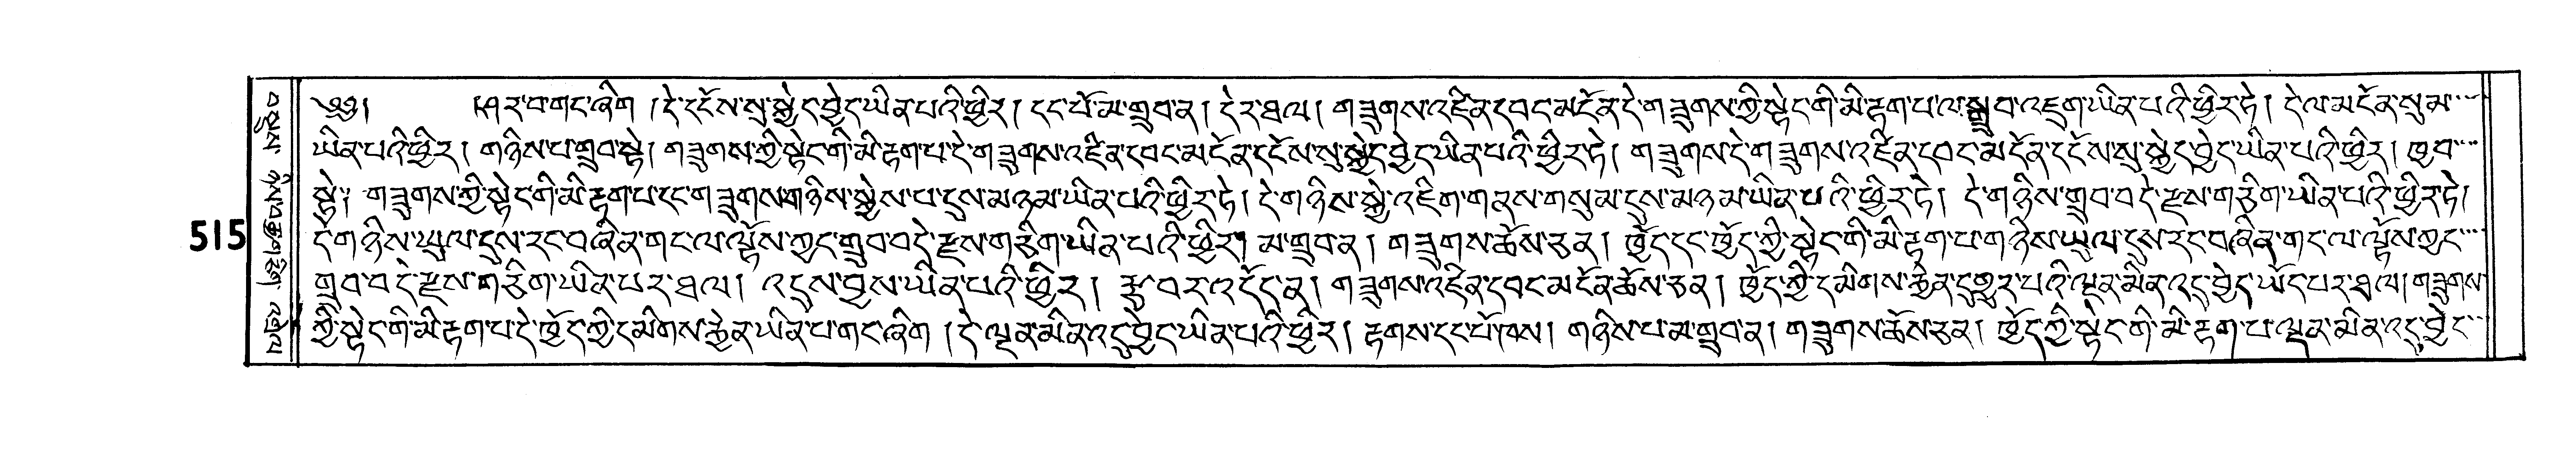༄༅། །ཤར་བ་གང་ཞིག །དེ་དངོས་སུ་སྐྱེད་བྱེད་ཡིན་པའི་ཕྱིར། དང་པོ་མ་གྲུབ་ན། དེར་ཐལ། གཟུགས་འཛིན་དབང་མངོན་དེ་གཟུགས་ཀྱི་སྟེང་གི་མི་རྟག་པ་ལ་སྒྲུབ་འཇུག་ཡིན་པའི་ཕྱིར་ཏེ། དེ་ལ་མངོན་སུམ་
ཡིན་པའི་ཕྱིར། གཉིས་པ་གྲུབ་སྟེ། གཟུགས་ཀྱི་སྟེང་གི་མི་རྟག་པ་དེ་གཟུགས་འཛིན་དབང་མངོན་དངོས་སུ་སྐྱེད་བྱེད་ཡིན་པའི་ཕྱིར་ཏེ། གཟུགས་དེ་གཟུགས་འཛིན་དབང་མངོན་དངོས་སུ་སྐྱེད་བྱེད་ཡིན་པའི་ཕྱིར། ཁྱབ་
སྟེ༑ གཟུགས་ཀྱི་སྟེང་གི་མི་རྟག་པ་དང་གཟུགས་གཉིས་སྐྱེས་པ་དུས་མཉམ་ཡིན་པའི་ཕྱིར་ཏེ། དེ་གཉིས་སྐྱེ་འཇིག་གནས་གསུམ་དུས་མཉམ་ཡིན་པའི་ཕྱིར་ཏེ། དེ་གཉིས་གྲུབ་བདེ་རྫས་གཅིག་ཡིན་པའི་ཕྱིར་ཏེ།
དེ་གཉིས་ཡུལ་དུས་རང་བཞིན་གང་ལ་ལྟོས་ཀྱང་གྲུབ་བདེ་རྫས་གཅིག་ཡིན་པའི་ཕྱིར། མ་གྲུབ་ན། གཟུགས་ཆོས་ཅན། ཁྱོད་དང་ཁྱོད་ཀྱི་སྟེང་གི་མི་རྟག་པ་གཉིས་ཡུལ་དུས་རང་བཞིན་གང་ལ་ལྟོས་ཀྱང་
གྲུབ་བདེ་རྫས་གཅིག་ཡིན་པར་ཐལ། འདུས་བྱས་ཡིན་པའི་ཕྱིར། རྩ་བར་འདོད་ན། གཟུགས་འཛིན་དབང་མངོན་ཆོས་ཅན། ཁྱོད་ཀྱི་དམིགས་རྐྱེན་དུ་གྱུར་པའི་ལྡན་མིན་འདུ་བྱེད་ཡོད་པར་ཐལ། གཟུགས་
ཀྱི་སྟེང་གི་མི་རྟག་པ་དེ་ཁྱོད་ཀྱི་དམིགས་རྐྱེན་ཡིན་པ་གང་ཞིག །དེ་ལྡན་མིན་འདུ་བྱེད་ཡིན་པའི་ཕྱིར། རྟགས་དང་པོ་ཁས། གཉིས་པ་མ་གྲུབ་ན། གཟུགས་ཆོས་ཅན། ཁྱོད་ཀྱི་སྟེང་གི་མི་རྟག་པ་ལྡན་མིན་འདུ་བྱེད་